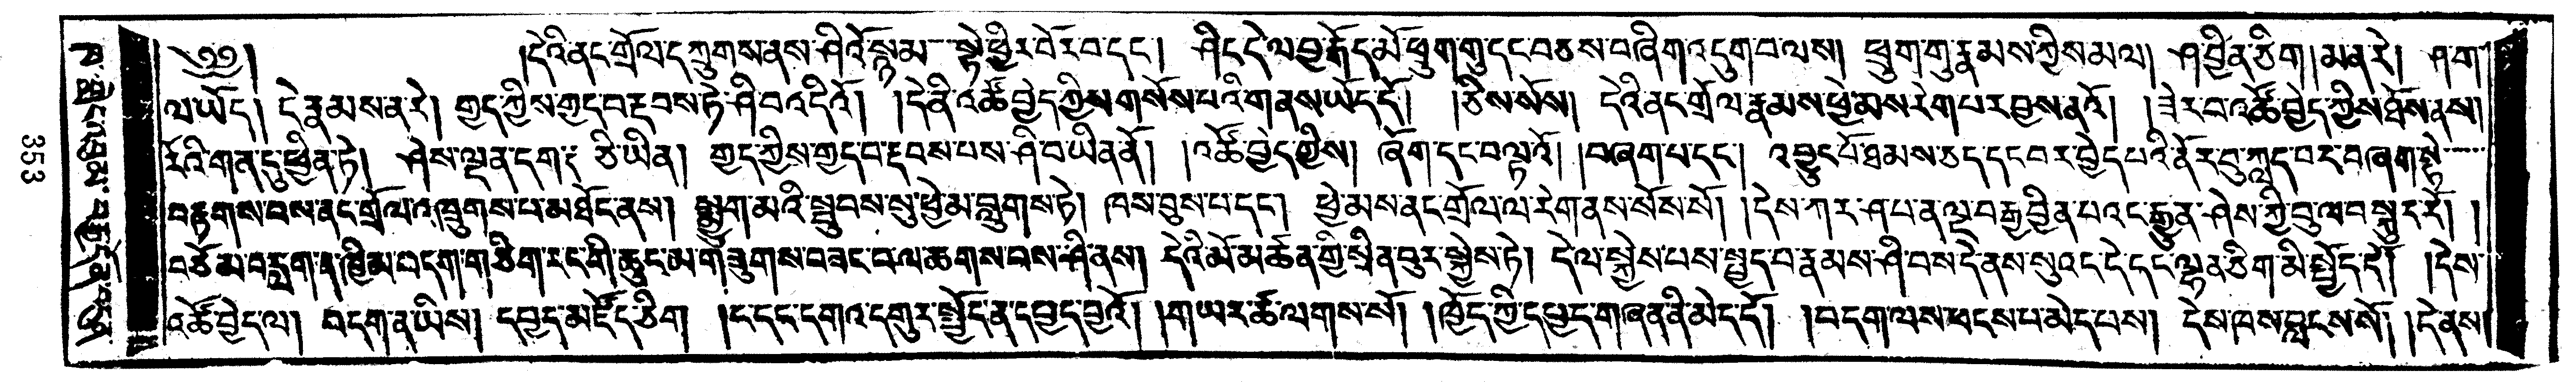༄༅། །དེའི་ནང་གྲོལ་དཀྲུགས་ནས་ཤིའོ་སྙམ་སྟེ་ཕྱིར་བོར་བ་དང་། ཤིང་དེ་ལ་བྱ་རྒོད་མོ་ཕྲུག་གུ་དང་བཅས་བཞིག་འདུག་པ་ལས། ཕྲུག་གུ་རྣམས་ཀྱིས་མལ། ཤ་བྱིན་ཅིག། མན་རེ། ཤ་ག་
ལ་ཡོད། དེ་རྣམས་ན་རེ། གྱད་ཀྱིས་གྱད་བརྡབས་ཏེ་ཤི་བ་འདིའོ། །དེ་ནི་འཚོ་བྱེད་ཀྱིས་གསོས་པའི་གནས་ཡོད་དོ། །ཅིས་སོས། དེའི་ནང་གྲོལ་རྣམས་ཕྱེ་མས་རེག་པར་བྱས་ནའོ། །ཟེར་བ་འཚོ་བྱེད་ཀྱིས་ཐོས་ནས།
རོའི་གན་དུ་ཕྱིན་ཏེ། ཤེས་ལྡན་དག༑ ཅི་ཡིན། གྱད་ཀྱིས་གྱད་པ་རྡབས་པས་ཤི་བ་ཡིན་ནོ། །འཚོ་བྱེད་གྱིས། ཞོག་དང་བལྟའོ། །བཞག་པ་དང་། འབྱུང་པོ་ཐམས་ཅད་དང་བར་བྱེད་པའི་ནོར་བུ་ཀླད་པར་བཞག་སྟེ་
བརྟགས་པས་ནང་གྲོལ་འཁྲུགས་པ་མཐོང་ནས། སྨྱུག་མའི་སྦུབས་སུ་ཕྱེ་མ་བླུགས་ཏེ། ཁས་བུས་པ་དང་། ཕྱེ་མས་ནང་གྲོལ་ལ་རེག་ནས་སོས་སོ། །དེས་ཀར་ཤ་པ་ན་ལྔ་བརྒྱ་བྱིན་པའང་རྒྱུན་ཤེས་ཀྱི་བུ་ལ་བསྐུར་རོ། །
བཅོམ་བརླག་ན་ཁྱིམ་བདག་གཅིག་རང་གི་ཆུང་མ་གཟུགས་བཟང་བ་ལ་ཆགས་པས་ཤི་ནས། དེའི་མོ་མཚན་གྱི་སྲིན་བུར་སྐྱེས་ཏེ། དེ་ལ་སྐྱེས་པས་སྤྱད་པ་རྣམས་ཤི་བས་དེ་ནས་སུའང་དེ་དང་ལྷན་ཅིག་མི་སྤྱོད་དོ། །དེས་
འཚོ་བྱེད་ལ། བདག་ན་ཡིས། དབྱད་མཛོད་ཅིག །ང་དང་དགའ་དགུར་སྤྱོད་ན་དབྱད་བྱའོ། །གཡར་ཚ་ལགས་སོ། །ཁྱོད་ཀྱི་དབྱད་གཞན་ནི་མེད་དོ། བདག་ལས་ཕངས་པ་མེད་པས། དེས་ཁས་བླངས་སོ། །དེ་ནས་